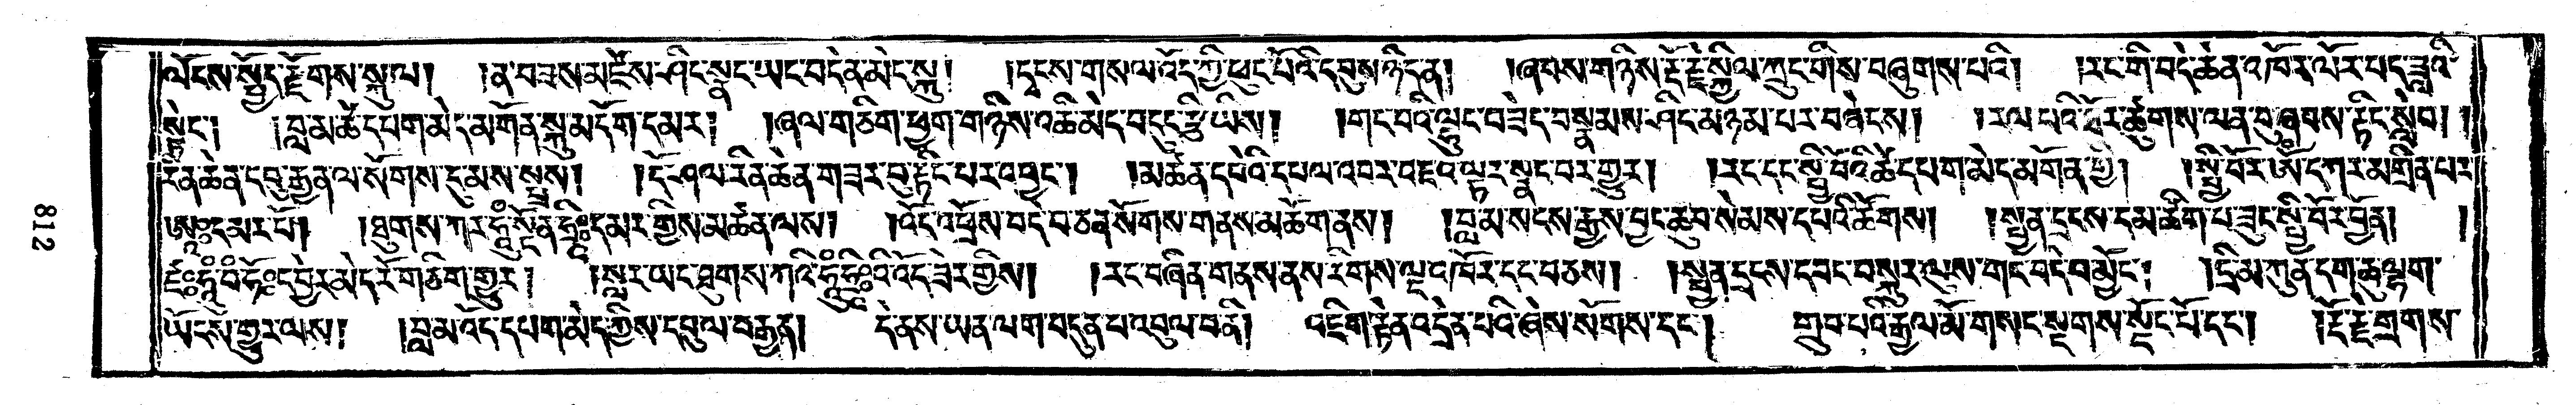ལོངས་སྤྱོད་རྫོགས་སྐུ་ལ། །ན་བཟས་མཛེས་ཤིང་སྣང་ཡང་བདེན་མེད་སྐུ། །དྭངས་གསལ་འོད་ཀྱི་ཕུང་པོའི་དབུས་ཉིད་ན། །ཞབས་གཉིས་རྡོ་རྗེས་ཀྱི་ཀྲུང་གིས་བཞུགས་པའི། །རང་གི་བདེན་ཆེན་འཁོར་ལོར་པད་ཟླའི་
སྟེང་། །བླ་མ་ཚེ་དཔག་མེད་མགོན་སྐུ་མདོག་དམར། །ཞལ་གཅིག་ཕྱག་གཉིས་འཆི་མེད་བདུད་རྩི་ཡིས། །གང་བའི་ལྷུང་བཟེད་བསྣམས་ཤིང་མཉམ་པར་བཞེངས། །རལ་པའི་ཐོར་ཚུལ་གིས་ལན་བུ་ཞབས་རྟིང་སླེབ། །
རིན་ཆེན་དབུ་རྒྱན་ལ་སོགས་དུ་མས་སྤྲས། །དོ་ཤལ་རིན་ཆེན་གཟར་བུ་རྟིང་པར་འབྱང་། །མཚན་དཔེའི་དཔལ་འབར་འཇའ་ལྟར་སྣང་བར་གྱུར། །རང་དང་སྤྱི་བོའི་ཚེ་དཔག་མེད་མགོན་གྱི། །སྤྱི་བོར་ཨོཾ་དཀར་མགྲིན་པར་
ཨཱཿ དམར་པོ། །ཐུགས་ཀར་ཧཱུཾ་སྔོན་ཧྲཱིཿ དམར་གྱིས་མཚན་ལས། །འོད་འཕྲོས་བདེ་བ་ཅན་སོགས་གནས་མཆོག་ནས། །བླ་མ་སངས་རྒྱས་བྱང་ཆུབ་སེམས་དཔའི་ཚོགས། །སྤྱན་དྲངས་དམ་ཚིག་པ་ཟུང་སྤྱི་བོར་བྱོན། །
ཛཿ ཧཱུཾ་བཾ་ཧོཿ དབྱེར་མེད་རོ་གཅིག་གྱུར། །སླར་ཡང་ཐུགས་ཀའི་ཧཱུཾ་ཧྲཱིཿའི་འོད་ཟེར་གྱིས། །རང་བཞིན་གནས་ནས་རིགས་ལྔ་འཁོར་དང་བཅས། །སྤྱན་དྲངས་དབང་བསྐུར་ལུས་གང་བདེ་བ་མྱོང་། །དྲི་མ་ཀུན་དག་ཆུ་ལྷག་
ཡོངས་གྱུར་ལས། །བླ་མ་འོད་དཔག་མེད་ཀྱིས་དབུ་ལ་བརྒྱན། དེ་ནས་ཡན་ལག་བདུན་པ་འབུལ་བ་ནི། འཇིག་རྟེན་འདྲེན་པའི་ཞེས་སོགས་དང་། གྲུབ་པའི་རྒྱལ་མོ་གསང་སྔགས་སྡོང་པོ་དང་། །རྡོ་རྗེ་གྲགས་